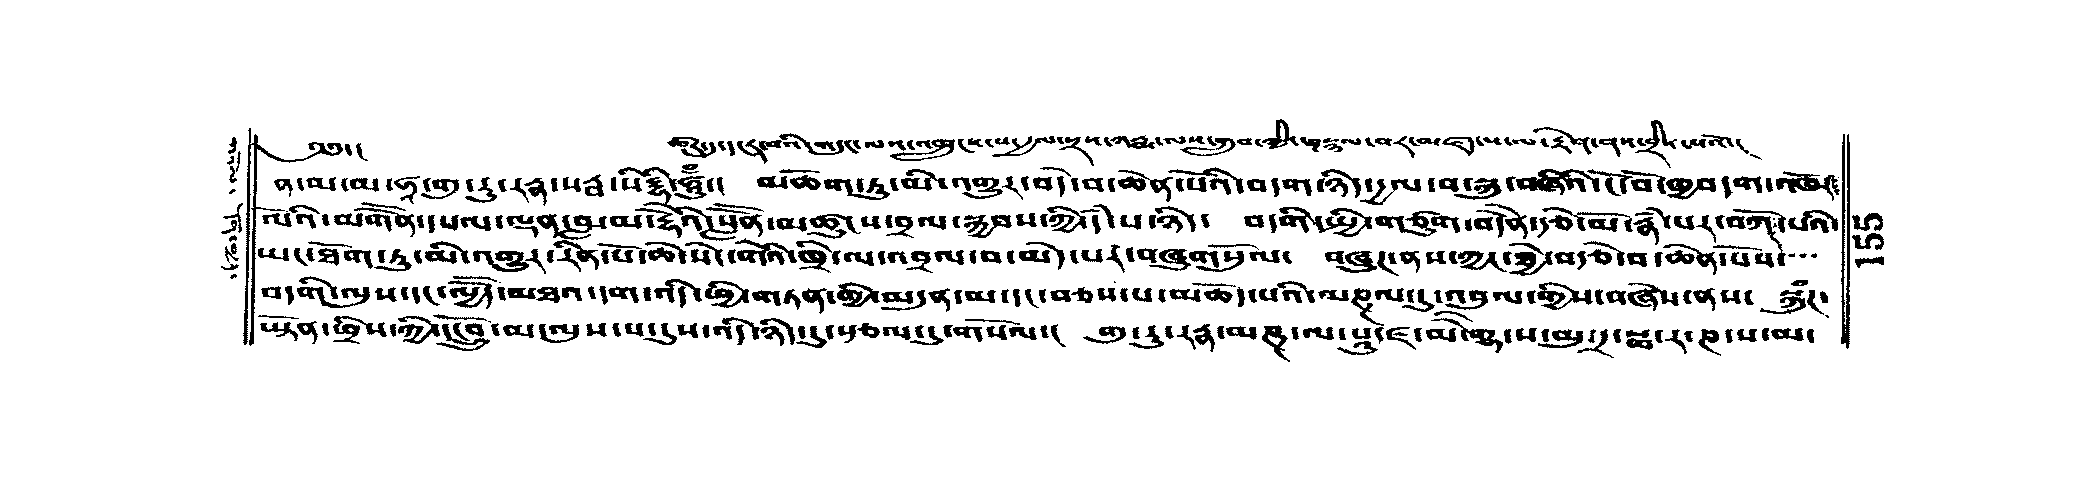ཚར་དུ་དངར་བའི་གདུང་ལས་འཁྲུངས་པ་རྒྱལ་སྲས་ཀརྨ་ལས་གྲུབ་ཀྱི་བསྐུལ་བར་མཛད་པ་ལ་རྟེན་ནས་བྲིས་པའོ།། 
ན་མ་མ་ཧཱ་གུ་རུ་རཏྣ་སརྦ་སིདྡྷི་ཧཱུྃ། མཆོག་ཏུ་མི་འགྱུར་བདེ་བ་ཆེན་པོའི་བདག་ཉིད་རྒྱལ་བ་སྐུན་བཞིའི་ངོ་བོ་ཁྱབ་བདག་འཁོར་
ལོའི་མགོན་པོ་དཔལ་ལྡན་བླ་མ་རྡོ་རྗེའི་སློབ་དཔོན་མཚུངས་བྲལ་སྐྱབས་ཀྱི་དམ་པ་ཉིད། བདག་གི་སྤྱི་གཙུག་བདེ་ཆེན་རྩེ་མོ་རྣམ་པར་བཀོད་པའི་
ཡང་ཐོག་ཏུ་མི་འགྱུར་རིན་པོ་ཆེ་སེང་གེའི་ཁྲི་ལ་འབྲལ་བ་མེད་པར་བཞུགས་སུ་གསོལ། བཞུགས་ནས་ཀྱང་ཐུགས་རྗེ་བརྩེ་བ་ཆེན་པོས་
བདག་གི་ལུས་དང་ལོངས་སྤྱོད་མཐའ་དག་འདི་ཕྱི་གཏན་གྱི་མདུན་མ་དང་བཅས་པ་མཆོད་པའི་མཎྜལ་དུ་འབུལ་གྱིས་བཞེས་ནས། སྐུ་གསུང་ཐུགས་
ཡོན་ཏན་ཕྲིན་ལས་ཀྱི་དངོས་གྲུབ་མ་ལུས་པ་དུས་འདི་ཉིད་དུ་བསྩལ་དུ་གསོལ། གུ་རུ་རཏྣ་མཎྜལ་ལ་པཱུ་ཛ་མཻ་གྷ་ས་མུ་དྲ་སྥ་ར་ཎ་ས་མ་